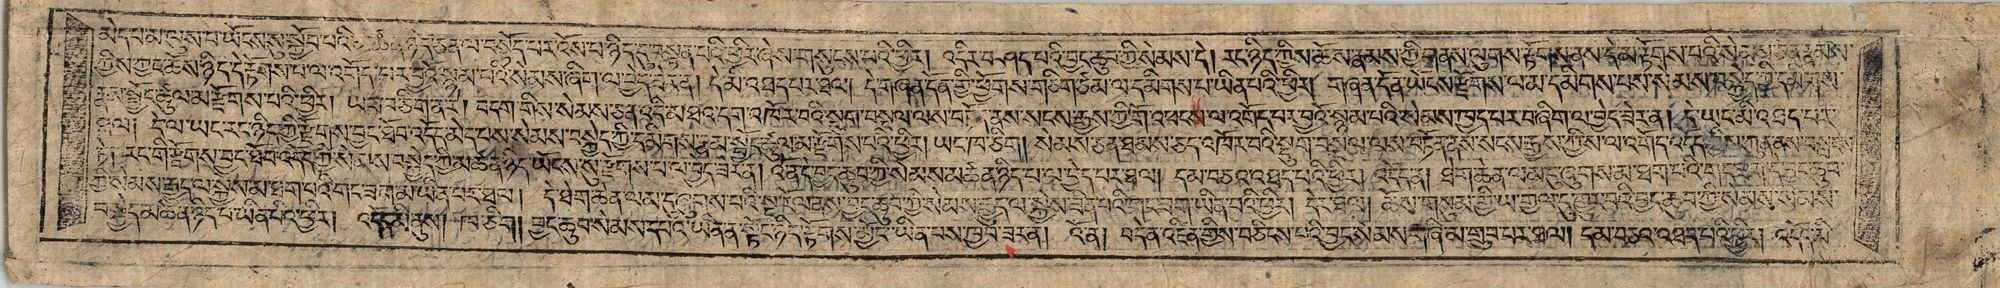མེད་པ་མ་ལུས་པ་ཡོངས་སུ་སྐྱོབ་པའི་མཚན་ཉིད་ཅན་ལ་བསྟོད་པར་འོས་པ་ཉིད་དུ་བསྟན་པའི་ཕྱིར་ཞེས་གསུངས་པའི་ཕྱིར། འདིར་བཤད་པའི་བྱང་ཆུབ་ཀྱི་སེམས་དེ། རང་ཉིད་ཀྱིས་ཆོས་རྣམས་ཀྱི་གནས་ལུགས་རྟོགས་ནས་དེ་མ་རྟོགས་པའི་སེམས་ཅན་རྣམས་
ཀྱིས་ཀྱང་ཆོས་ཉིད་དེ་རྟོགས་པ་ལ་འགོད་པར་བྱའོ་སྙམ་པའི་སེམས་ཞིག་ལ་བྱེད་ཟེར་ན། དེ་མི་འཐད་པར་ཐལ། དེ་གཞན་དོན་གྱི་ཕྱོགས་གཅིག་ཙམ་ལ་དམིགས་པ་ཡིན་པའི་ཕྱིར། གཞན་དོན་ཡོངས་རྫོགས་ལམ་དམིགས་པས་སེམས་བསྐྱེད་ཀྱི་དམིགས་
རྣམ་སྦྱོང་ཚུལ་མ་རྫོགས་པའི་ཕྱིར། ཡང་ཁ་ཅིག་ན་རེ། བདག་གིས་སེམས་ཅན་འདི་མཐའ་དག་འཁོར་བའི་སྡུག་བསྔལ་ལས་བཏོན་ནས་སངས་རྒྱས་ཀྱི་གོ་འཕང་ལ་འགོད་པར་བྱའོ་སྙམ་པའི་སེམས་ཁྱད་པར་བཞིགླ་བྱེད་ཟེར་ན། དེ་ཡང་མི་འཐད་པར་
ཐལ༑ དེ་ལ་ཡང་རང་ཉིད་ཀྱི་རྫོགས་བྱང་ཐོབ་འདོད་མེད་པས་སེམས་བསྐྱེད་ཀྱི་དམིགས་རྣམ་སྦྱོང་ཚུལ་མ་རྫོགས་པའི་ཕྱིར། ཡང་ཁ་ཅིག །སེམས་ཅན་ཐམས་ཅད་འཁོར་བའི་སྡུག་བསྔལ་ལས་བཏོན་ནས་སངས་རྒྱས་ཀྱི་ས་ལ་འགོད་འདོད་ཀྱིས་ཀུན་ནས་བསླངས་
ཏེ༑ རང་གི་རྫོགས་བྱང་ཐོབ་འདོད་ཀྱི་སེམས་བསྐྱེད་ཀྱི་མཚན་ཉིད་ཡོངས་སུ་རྫོགས་པ་ལ་བྱེད་ཟེར་ན། འོ་ན་དེ་བྱང་ཆུབ་ཀྱི་སེམས་མཚན་ཉིད་པ་ལ་བྱེད་པར་ཐལ། དམ་བཅའ་འཐད་པའི་ཕྱིར། འདོད་ན། ཐེག་ཆེན་ལམ་དུ་ཞུགས་མ་ཐག་པའི་གང་ཟག་དེ་བྱང་ཆུབ་
ཀྱི་སེམས་རྒྱུད་ལ་སྐྱེས་མ་ཐག་པའི་གང་ཟག་མ་ཡིན་པར་ཐལ། དེ་ཐེག་ཆེན་ལམ་དུ་ཞུགས་པའི་སྔ་རོལ་ནས་བྱང་ཆུབ་ཀྱི་སེམས་རྒྱུད་ལ་སྐྱེས་ཟིན་པའི་གང་ཟག་ཡིན་པའི་ཕྱིར། དེར་ཐལ། ཆོས་གསུམ་གྱི་ཡ་གྱལ་དུ་གྱུར་བའི་བྱང་ཆུབ་ཀྱི་སེམས་སེམས་
བསྐྱེད་མཚན་ཉིད་པ་ཡིན་པའི་ཕྱིར། འདོད་མི་ནུས། ཁ་ཅིག །བྱང་ཆུབ་སེམས་དཔའ་ཡིན་ན་སྟོང་ཉིད་རྟོགས་མྱོང་ཡིན་པས་ཁྱབ་ཟེར་ན། འོ་ན། བདེན་འཛིན་གྱིས་བཅིངས་པའི་བྱང་སེམས་གཞི་མ་གྲུབ་པར་ཐལ། དམ་བཅའ་འཐོདཔའི་ཕྱིར། འདོད་མི་